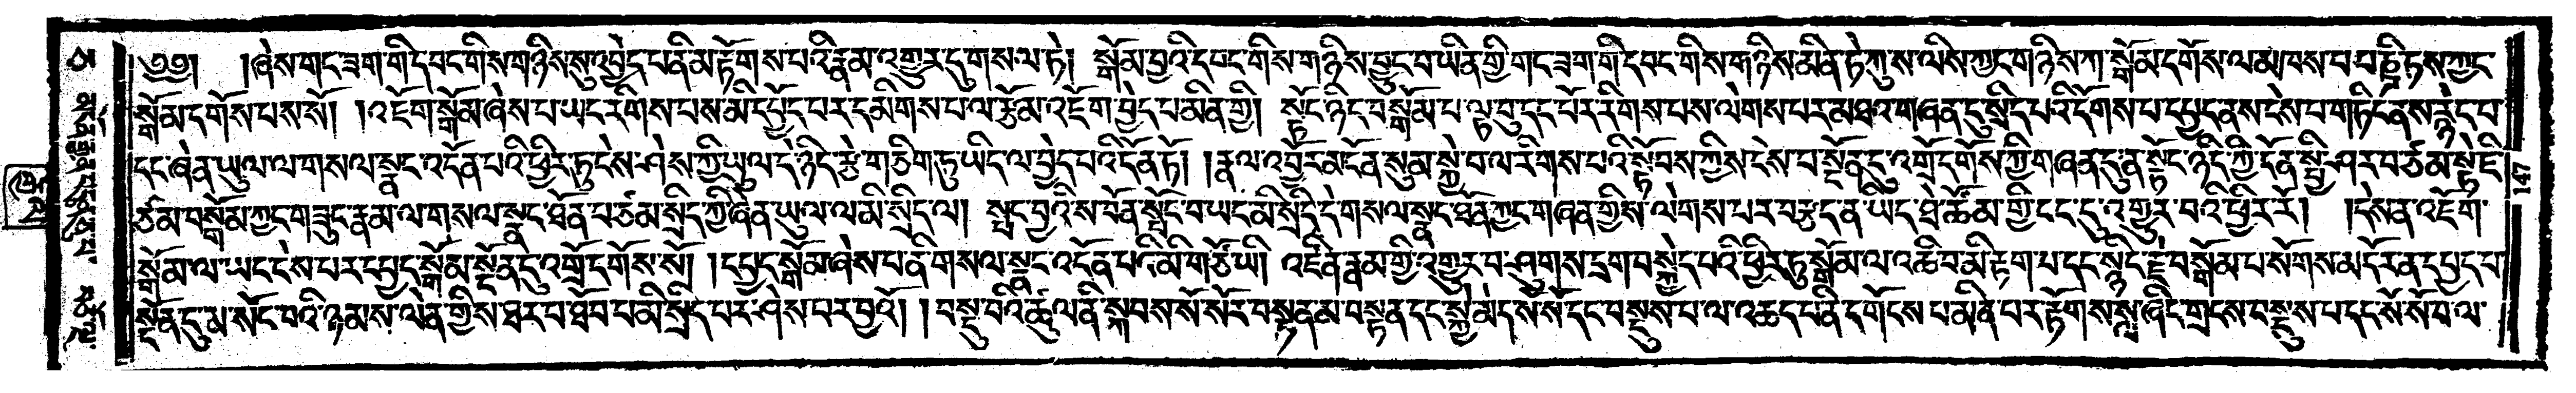༄༅། །ཞེས་གང་ཟག་གི་དབང་གིས་གཉིས་སུ་འབྱེད་པ་ནི་མ་རྟོགས་པའི་རྣམ་འགྱུར་དུ་གསལ་ཏེ། སྒོམ་བྱའི་དབང་གིས་གཉིས་བྱུང་བ་ཡིན་གྱི་གང་ཟག་གི་དབང་གིས་གཉིས་མིན་ཏེ་ཀུ་ས་ལིས་ཀྱང་གཉིས་ཀ་སྒོམ་དགོས་ལ་མཁས་པ་པཎྜི་ཏས་ཀྱང་
སྒོམ་དགོས་པས་སོ། །འཇོག་སྒོམ་ཞེས་པ་ཡང་རིགས་པས་མི་དཔྱོད་པར་དམིགས་པ་ལ་རྩོམ་འཇོག་བྱེད་པ་མིན་གྱི། སྟོང་ཉིད་བསྒོམ་པ་ལྟ་བུ་དང་པོར་རིགས་པས་ལེགས་པར་མཐའ་གཞན་དུ་སྲིད་པའི་དོགས་པ་དཔྱད་ནས་ངེས་པ་གཏིང་ནས་རྙེད་པ་
དང་ཞེན་ཡུལ་ལ་གསལ་སྣང་འདོན་པའི་ཕྱིར་ཏུ་ངེས་ཤེས་ཀྱི་ཡུལ་དེ་ཉིད་རྩེ་གཅིག་ཏུ་ཡིད་ལ་བྱེད་པའི་དོན་ཏོ། །རྣལ་འབྱོར་མངོན་སུམ་སྐྱེ་བ་ལ་རིགས་པའི་སྟོབས་ཀྱིས་ངེས་པ་སྔོན་དུ་འགྲོ་དགོས་ཀྱི་གཞན་དུ་ན་སྟོང་ཉིད་ཀྱི་དོན་སྤྱི་ཤར་བ་ཙམ་སྟེ་ཇི་
ཙམ་བསྒོམ་ཀྱང་གཟུང་རྣམ་ལ་གསལ་སྣང་ཐོན་པ་ཙམ་སྲིད་ཀྱི་ཞེན་ཡུལ་ལ་མི་སྲིད་ལ། སྤང་བྱའི་ས་བོན་སྤོང་བ་ཡང་མི་སྲིད་དེ་གསལ་སྣང་ཐོན་ཀྱང་གཞན་གྱིས་ལེགས་པར་བརྩད་ན་ཡིད་ཐེ་ཚོམ་གྱི་ངང་དུ་འགྱུར་བའི་ཕྱིར་རོ། །དེས་ན་འཇོག་
སྒོམ་ལ་ཡང་ངེས་པར་དཔྱད་སྒོམ་སྔོན་དུ་འགྲོ་དགོས་སོ། །དཔྱད་སྒོམ་ཞེས་པ་ནི་གསལ་སྣང་འདོན་པའི་མི་གཙོ་ཡི། འཛིན་རྣམ་གྱི་འགྱུར་བ་ཤུགས་དྲག་བསྐྱེད་པའི་ཕྱིར་ཏུ་སྒོམ་ལ་འཆི་བ་མི་རྟག་པ་དང་སྙིང་རྗེ་བསྒོམ་པ་སོགས་མདོར་ན་དཔྱད་པ་
སྔོན་དུ་མ་སོང་བའི་ཉམས་ལེན་གྱིས་ཐར་པ་ཐོབ་པ་མི་སྲིད་པར་ཤེས་པར་བྱའོ། །བསྡུ་བའི་ཚུལ་ནི་སྐབས་སོ་སོར་བསྟན་མ་བསྟན་དང་སྐྱེ་མེད་སོ་སོ་དང་བསྡུས་པ་ལ་འཆད་པ་ནི་དགོངས་པ་མིན་པར་རྟོགས་སླ་ཞིང་གྲངས་བསྡུས་པ་དང་སོ་སོ་བ་ལ་